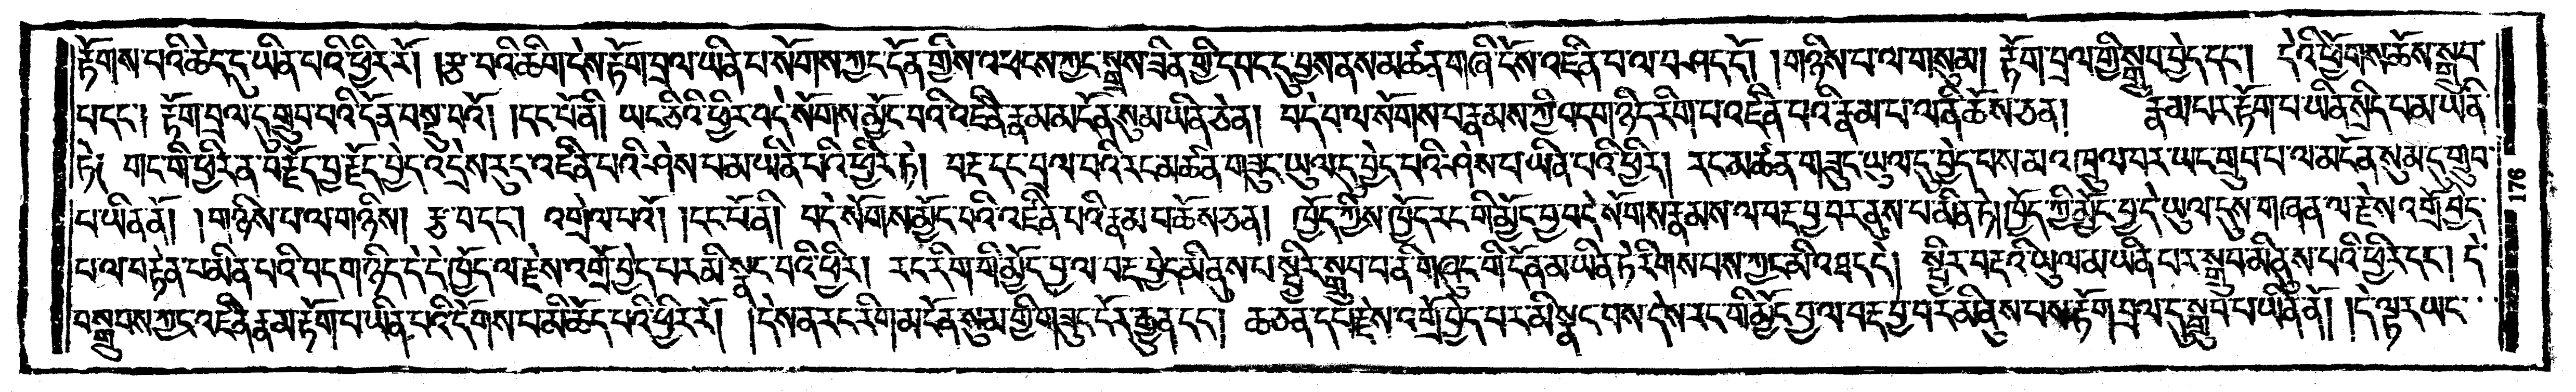རྟོགས་པའི་ཆེད་དུ་ཡིན་པའི་ཕྱིར་རོ། །རྩ་བའི་ཚིག་དེས་རྟོག་བྲལ་ཡིན་པ་སོགས་ཀྱང་དོན་གྱིས་འཕངས་ཀྱང་སྒྲས་ཟིན་གྱི་དབང་དུ་བྱས་ནས་མཚན་གཞི་ངོས་འཛིན་པ་ལ་བཤད་དོ། །གཉིས་པ་ལ་གསུམ། རྟོག་བྲལ་གྱི་སྒྲུབ་བྱེད་དང་། དེའི་ཕྱོགས་ཆོས་སྒྲུབ་
པ་དང་། རྟོག་བྲལ་དུ་གྲུབ་པའི་དོན་བསྡུ་བའོ། །དང་པོ་ནི། ཡང་ཅིའི་ཕྱིར་བདེ་སོགས་མྱོང་བའི་འཛིན་རྣམ་མངོན་སུམ་ཡིན་ཅེ་ན། བདེ་བ་ལ་སོགས་པ་རྣམས་ཀྱི་བདག་ཉིད་རིག་པ་འཛིན་པའི་རྣམ་པ་ལ་ནི་ཆོས་ཅན། རྣམ་པར་རྟོག་པ་ཡིན་སྲིད་པ་མ་ཡིན་
ཏེ། གང་གི་ཕྱིར་ན་བརྗོད་བྱ་རྗོད་བྱེད་འདྲེས་རུང་འཛིན་པའི་ཤེས་པ་མ་ཡིན་པའི་ཕྱིར་ཏེ། བརྡ་དང་བྲལ་བའི་རང་མཚན་གཟུང་ཡུལ་དུ་བྱེད་པའི་ཤེས་པ་ཡིན་པའི་ཕྱིར། རང་མཚན་གཟུང་ཡུལ་དུ་བྱེད་པས་མ་འཁྲུལ་བར་ཡང་གྲུབ་པ་ལ་མངོན་སུམ་དུ་གྲུབ་
པ་ཡིན་ནོ། །གཉིས་པ་ལ་གཉིས། རྩ་བ་དང་། འགྲེལ་པའོ། །དང་པོ་ནི། བདེ་སོགས་མྱོང་བའི་འཛིན་པའི་རྣམ་པ་ཆོས་ཅན། ཁྱོད་ཀྱིས་ཁྱོད་རང་གི་མྱོང་བྱ་བདེ་སོགས་རྣམས་ལ་བརྡ་བྱ་བར་ནུས་པ་མིན་ཏེ། ཁྱོད་ཀྱི་མྱོང་བྱ་དེ་ཡུལ་དུས་གཞན་ལ་རྗེས་འགྲོ་བྱེད་
པ་ལ་བརྟེན་པ་མིན་པའི་བདག་ཉིད་དེ་དེ་ཁྱོད་ལ་རྗེས་འགྲོ་བྱེད་པར་མི་སྣང་བའི་ཕྱིར། རང་རིག་གི་མྱོང་བྱ་ལ་བརྡ་བྱེད་མི་ནུས་པ་སྤྱིར་སྒྲུབ་པ་ནི་གཞུང་གི་དོན་མ་ཡིན་ཏེ་རིགས་པས་ཀྱང་མི་འཐད་དེ། སྤྱིར་བརྡའི་ཡུལ་མ་ཡིན་པར་སྒྲུབ་མི་ནུས་པའི་ཕྱིར་དང་། དེ་
བསྒྲུབས་ཀྱང་འཛིན་རྣམ་རྟོག་པ་ཡིན་པའི་དོགས་པ་མི་ཆོད་པའི་ཕྱིར་རོ། །དེས་ན་རང་རིག་མངོན་སུམ་གྱི་གཟུང་ངོར་རྒྱུན་དང་། ཆ་ཅན་དང་། རྗེས་འགྲོ་བྱེད་པར་མི་སྣང་བས་དེས་རང་གི་མྱོང་བྱ་ལ་བརྡ་བྱ་བར་མི་ནུས་པས་རྟོག་བྲལ་དུ་སྒྲུབ་པ་ཡིན་ནོ། །དེ་ལྟར་ཡང་